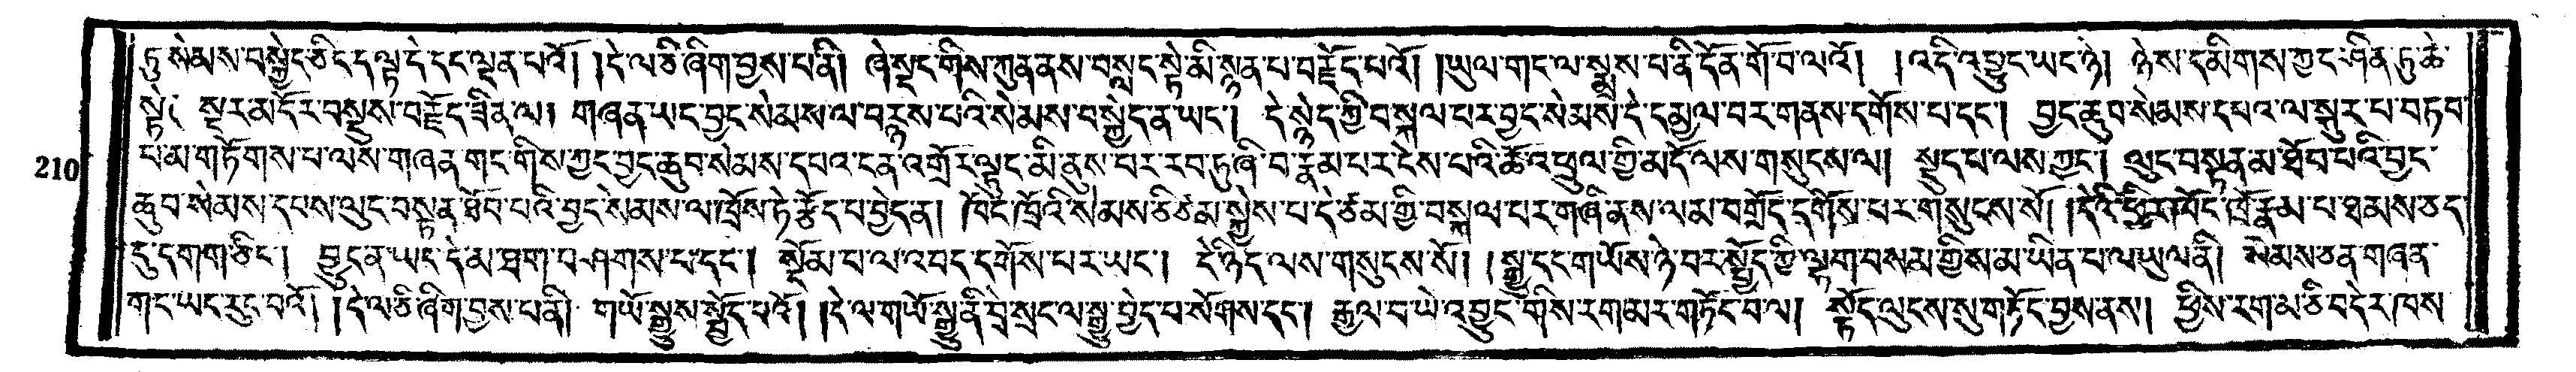ཏུ་སེམས་བསྐྱེད་ཅིང་ད་ལྟ་དེ་དང་ལྡན་པའོ། །དེ་ལ་ཅི་ཞིག་བྱས་པ་ནི། ཞེ་སྡང་གིས་ཀུན་ནས་བསླང་སྟེ་མི་སྙན་པ་བརྗོད་པའོ། །ཡུལ་གང་ལ་སྨྲས་པ་ནི་དོན་གོ་བ་ལའོ། །འདི་འབྱུང་ཡང་ཉེ། ཉེས་དམིགས་ཀྱང་ཤིན་ཏུ་ཆེ་
སྟེ༑ སྔར་མདོར་བསྡུས་བརྗོད་ཟིན་ལ། གཞན་ཡང་བྱང་ཆུབ་སེམས་ལ་བརྙས་པའི་སེམས་བསྐྱེད་ན་ཡང་། དེ་སྙེད་ཀྱི་བསྐལ་བར་བྱང་སེམས་དེ་དམྱལ་བར་གནས་དགོས་པ་དང་། བྱང་ཆུབ་སེམས་དཔའ་ལ་སྐུར་བ་བཏབ་
པ་མ་གཏོགས་པ་ལས་གཞན་གང་གིས་ཀྱང་བྱང་ཆུབ་སེམས་དཔའ་ངན་འགྲོར་ལྟུང་མི་ནུས་པར་རབ་ཏུ་ཞི་བ་རྣམ་པར་ངེས་པའི་ཆོ་འཕྲུལ་གྱི་མདོ་ལས་གསུངས་ལ། སྡུད་པ་ལས་ཀྱང་། ལུང་བསྟན་མ་ཐོབ་པའི་བྱང་
ཆུབ་སེམས་དཔས་ལུང་བསྟན་ཐོབ་པའི་བྱང་སེམས་ལ་ཁྲོས་ཏེ་རྩོད་པ་བྱེད་ན། ཁོང་ཁྲོའི་སེམས་ཅི་ཙམ་སྐྱེས་པ་དེ་ཙམ་གྱི་བསྐལ་བར་གཞི་ནས་ལམ་བགྲོད་དགོས་པར་གསུངས་སོ། །དེའི་ཕྱིར་ཁོང་ཁྲོ་རྣམ་པ་ཐམས་ཅད་
དུ་དགག་ཅིང་། བྱུང་ན་ཡང་དེ་མ་ཐག་བཤགས་པ་དང་། སྡོམ་པ་ལ་འབད་དགོས་པར་ཡང་། དེ་ཉིད་ལས་གསུངས་སོ། །སྒྱུ་དང་གཡོས་ཉེ་བར་སྤྱོད་ཀྱི་ལྷག་བསམ་གྱིས་མ་ཡིན་པ་ལ་ཡུལ་ནི། སེམས་ཅན་གཞན་
གང་ཡང་རུང་བའོ། །དེ་ལ་ཞིག་བྱས་པ་ནི། གཡོ་སྒྱུས་སྤྱོད་པའོ། །དེ་ལ་གཡོ་ནི་བྲེ་སྲང་ལ་སྒྱུ་བྱེད་པ་སོགས་དང་། རྒྱལ་བ་ཡེ་འབྱུང་གིས་རག་མར་གཏོང་བ་ལ། སྟོད་ལུངས་སུ་གཏོང་བྱས་ནས། ཕྱིས་རག་མ་ཅི་བདེར་ཁས་